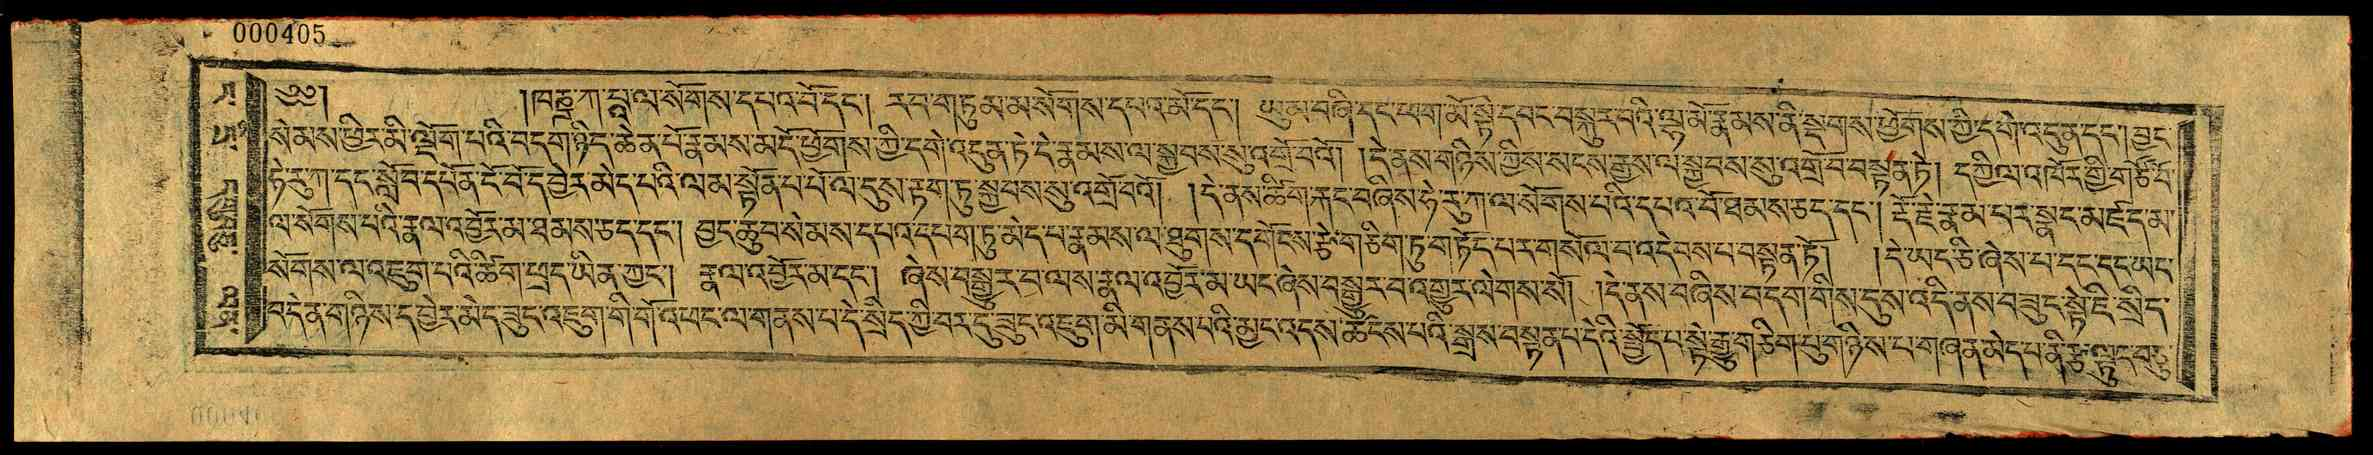༄༅། །ཁཎྜ་ཀ་པཱ་ལ་སོགས་དཔའ་བོ་དང་། རབ་གཏུམ་མ་སོགས་དཔའ་མོ་དང་། ཡུམ་བཞི་དང་ཕག་མོ་སྟེ་དབང་བསྐུར་བའི་ལྷ་མོ་རྣམས་ནི་སྔགས་ཕྱོགས་ཀྱི་དགེ་འདུན་དང་། བྱང་
སེམས་ཕྱིར་མི་ལྡོག་པའི་བདག་ཉིད་ཆེན་པོ་རྣམས་མདོ་ཕྱོགས་ཀྱི་དགེ་འདུན་ཏེ་དེ་རྣམས་ལ་སྐྱབས་སུ་འགྲོ་བའོ། །དེ་ནས་གཉིས་ཀྱིས་སངས་རྒྱས་ལ་སྐྱབས་སུ་འགྲོ་བ་བསྟན་ཏེ། དཀྱིལ་འཁོར་གྱི་གཙོ་བོ་
ཧེ་རུ་ཀ་དང་སློབ་དཔོན་ངོ་བོ་དབྱེར་མེད་པའི་ལམ་སྟོན་པ་པོ་ལ་དུས་རྟག་ཏུ་སྐྱབས་སུ་འགྲོ་བའོ། །དེ་ནས་ཚིག་རྐང་བཞིས་ཧེ་རུ་ཀ་ལ་སོགས་པའི་དཔའ་བོ་ཐམས་ཅད་དང་། རྡོ་རྗེ་རྣམ་པར་སྣང་མཛད་མ་
ལ་སོགས་པའི་རྣལ་འབྱོར་མ་ཐམས་ཅད་དང་། བྱང་ཆུབ་སེམས་དཔའ་དཔག་ཏུ་མེད་པ་རྣམས་ལ་ཐུགས་དགོངས་རྩེ་གཅིག་ཏུ་གཏོད་པར་གསོལ་བ་འདེབས་པ་བསྟན་ཏོ། །དེ་ཡང་ཙ་ཞེས་པ་དང་དང་ཡང་
སོགས་ལ་འཇུག་པའི་ཚིག་ཕྲད་ཡིན་ཀྱང་། རྣལ་འབྱོར་མ་དང་། ཞེས་བསྒྱུར་བ་ལས་རྣལ་འབྱོར་མ་ཡང་ཞེས་བསྒྱུར་པ་འགྱུར་ལེགས་སོ། །དེ་ནས་བཞིས་བདག་གིས་དུས་འདི་ནས་བཟུང་སྟེ་ཇི་སྲིད་
བདེན་གཉིས་དབྱེར་མེད་ཟུང་འཇུག་གི་གོ་འཕང་ལ་གནས་པ་དེ་སྲིད་ཀྱི་བར་དུ་ཟུང་འཇུག་མི་གནས་པའི་མྱང་འདས་ཚངས་པའི་སྒྲས་བསྟན་པ་དེའི་སྤྱོད་པ་སྟེ་རྒྱུ་གཅིག་པུ་གཉིས་པ་གཞན་མེད་པ་ནི་རྩ་ལྟུང་བཅུ་